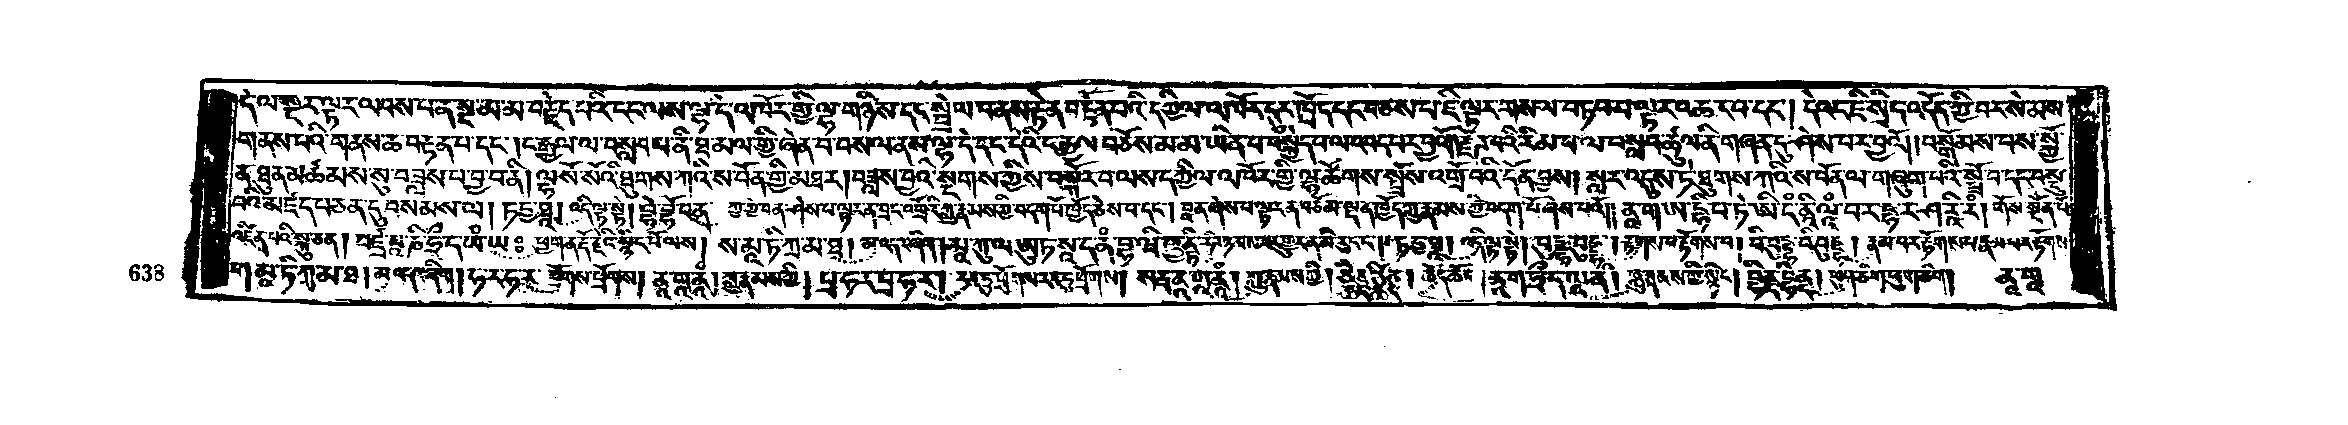དེ་ལ་སྔར་ལྟར་ལབས་པ་ན་སྔ་མ་མ་བརྗེད་པའི་ངང་ལས་ལྷ་དེ་འཁོར་གྱི་ལྷ་གཉིས་དང་སྦྲེལ་བ་ནས་རྟེན་བརྟོན་པའི་དཀྱིལ་འཁོར་དུར་ཁྲོད་དང་བཅས་པ་ཇི་ལྟར་གསལ་བཏབ་པ་ལྟར་འཆང་བ་དང་། དེའང་ཇི་སྲིད་འདོད་ཀྱི་བར་སེམས་
གནས་པའི་གནས་ཆ་བརྟན་པ་དང་། ང་རྒྱལ་ལ་བསླབ་པ་ནི་ཐ་མལ་གྱི་ཞེན་པ་བསལ་ནས་ལྷ་དེ་དང་དེའི་ང་རྒྱལ་བཅོས་མ་མ་ཡིན་པ་བསྐྱེད་པ་ལ་འབད་པར་བྱའོ། །རྫོགས་པའི་རིམ་པ་ལ་བསླབ་ཚུལ་ནི་གཞན་དུ་ཤེས་པར་བྱའོ། །བསྒོམས་པས་སྐྱོ་
ན་ཐུན་མཚམས་སུ་བཟླས་པ་བྱ་བ་ནི། ལྷ་སོ་སོའི་ཐུགས་ཀའི་ས་བོན་གྱི་མཐར། བཟླས་བྱའི་སྔགས་ཀྱིས་བསྐོར་བ་ལས་དཀྱིལ་འཁོར་གྱི་ལྷ་ཚོགས་སྤྲོས་འགྲོ་བའི་དོན་བྱས། སླར་འདུས་ཏེ་ཐུགས་ཀའི་ས་བོན་ལ་གཞུག་པའི་སྤྲོ་བ་དང་བསྡུ་
བའི་མཛད་པ་ཅན་དུ་བསམས་ལ། ཏདྱ་ཐཱ། འདི་ལྟ་སྟེ། བྷོ་བྷོ་བན་ཀྱ་ཀྱེ་བན་ཤེས་པ་ལྟར་ན་བྲང་འགྲོ་རི་ཀླུ་རྣམས་ཀྱི་བདག་པོ་ཁྱོད་ཅེས་པ་དང་། བཱན་ཞེས་པ་ལྟར་ན་བཅོམ་ལྡན་ཁྱོད་ཀླུ་རྣམས་ཀྱི་བདག་པོ་ཞེས་པའོ། །ནཱ་ག་ཨ་དྷི་པ་ཏེ་ཨི་དཾ་ནཱི་ལཱཾ་བ་ར་དྷ་ར་ཤ་རཱི་རཾ། གོས་སྔོན་པོ་
འཛིན་པའི་སྐུ་ཅན། བཛྲ་པཱ་ཎི་ཧྲྀ་ད་ཡཾ་ཡཿ ཧྱག་ན་རྡོ་རྗེའི་སྙིང་པོ་ལས། ས་མཱ་ཏི་ཀྲ་མ་ཐ། མ་འདའ་ཞིག །མཱ་ཀུ་ལ་ཨུ་ཏ་སཱ་ད་ནཾ་བྷ་ཝི་ཥྱ་ནྟི་རིགས་ཉམས་པར་གྱུར་ན་མི་རུང་བ། །ཏདྱ་ཐཱ། འདི་ལྟ་སྟེ། བུདྡྷ་བུདྡྷ། རྟགས་པ་རྟོགས་པ། བི་བུདྡྷ་བི་བུ་དྡྷ། རྣམ་པར་རྟོགས་པ་རྣམ་པར་རྟོགས་
ག་མཱ་ཏི་ཀུ་མ་ཐ། མ་འགའ་ཞིག །ཧ་ར་ཧ་ར་ཕྲོགས་ཕྲོགས། ནཱ་གཱ་ནཱཾ། ཀླུ་རྣམས་ཀྱི། པྲ་ཧ་ར་བྲ་ཧ་ར། རབ་ཏུ་ཕྲོགས་རབ་ཏུ་ཕྲོགས། སརྦ་ནཱ་གཱནཱཾ། ཙྪིནྡ་ཙྪིནྡ། ཆོད་ཆོད། ནཱ་ག་ཧྲྀ་ད་ཡཱ་ནི། ཀླུ་རྣམས་ཀྱི་སྙིང་། བྷིནྡ་བྷིནྡ། ཕུག་ཅིག་ཕུག་ཅིག །ནཱ་གཱ་